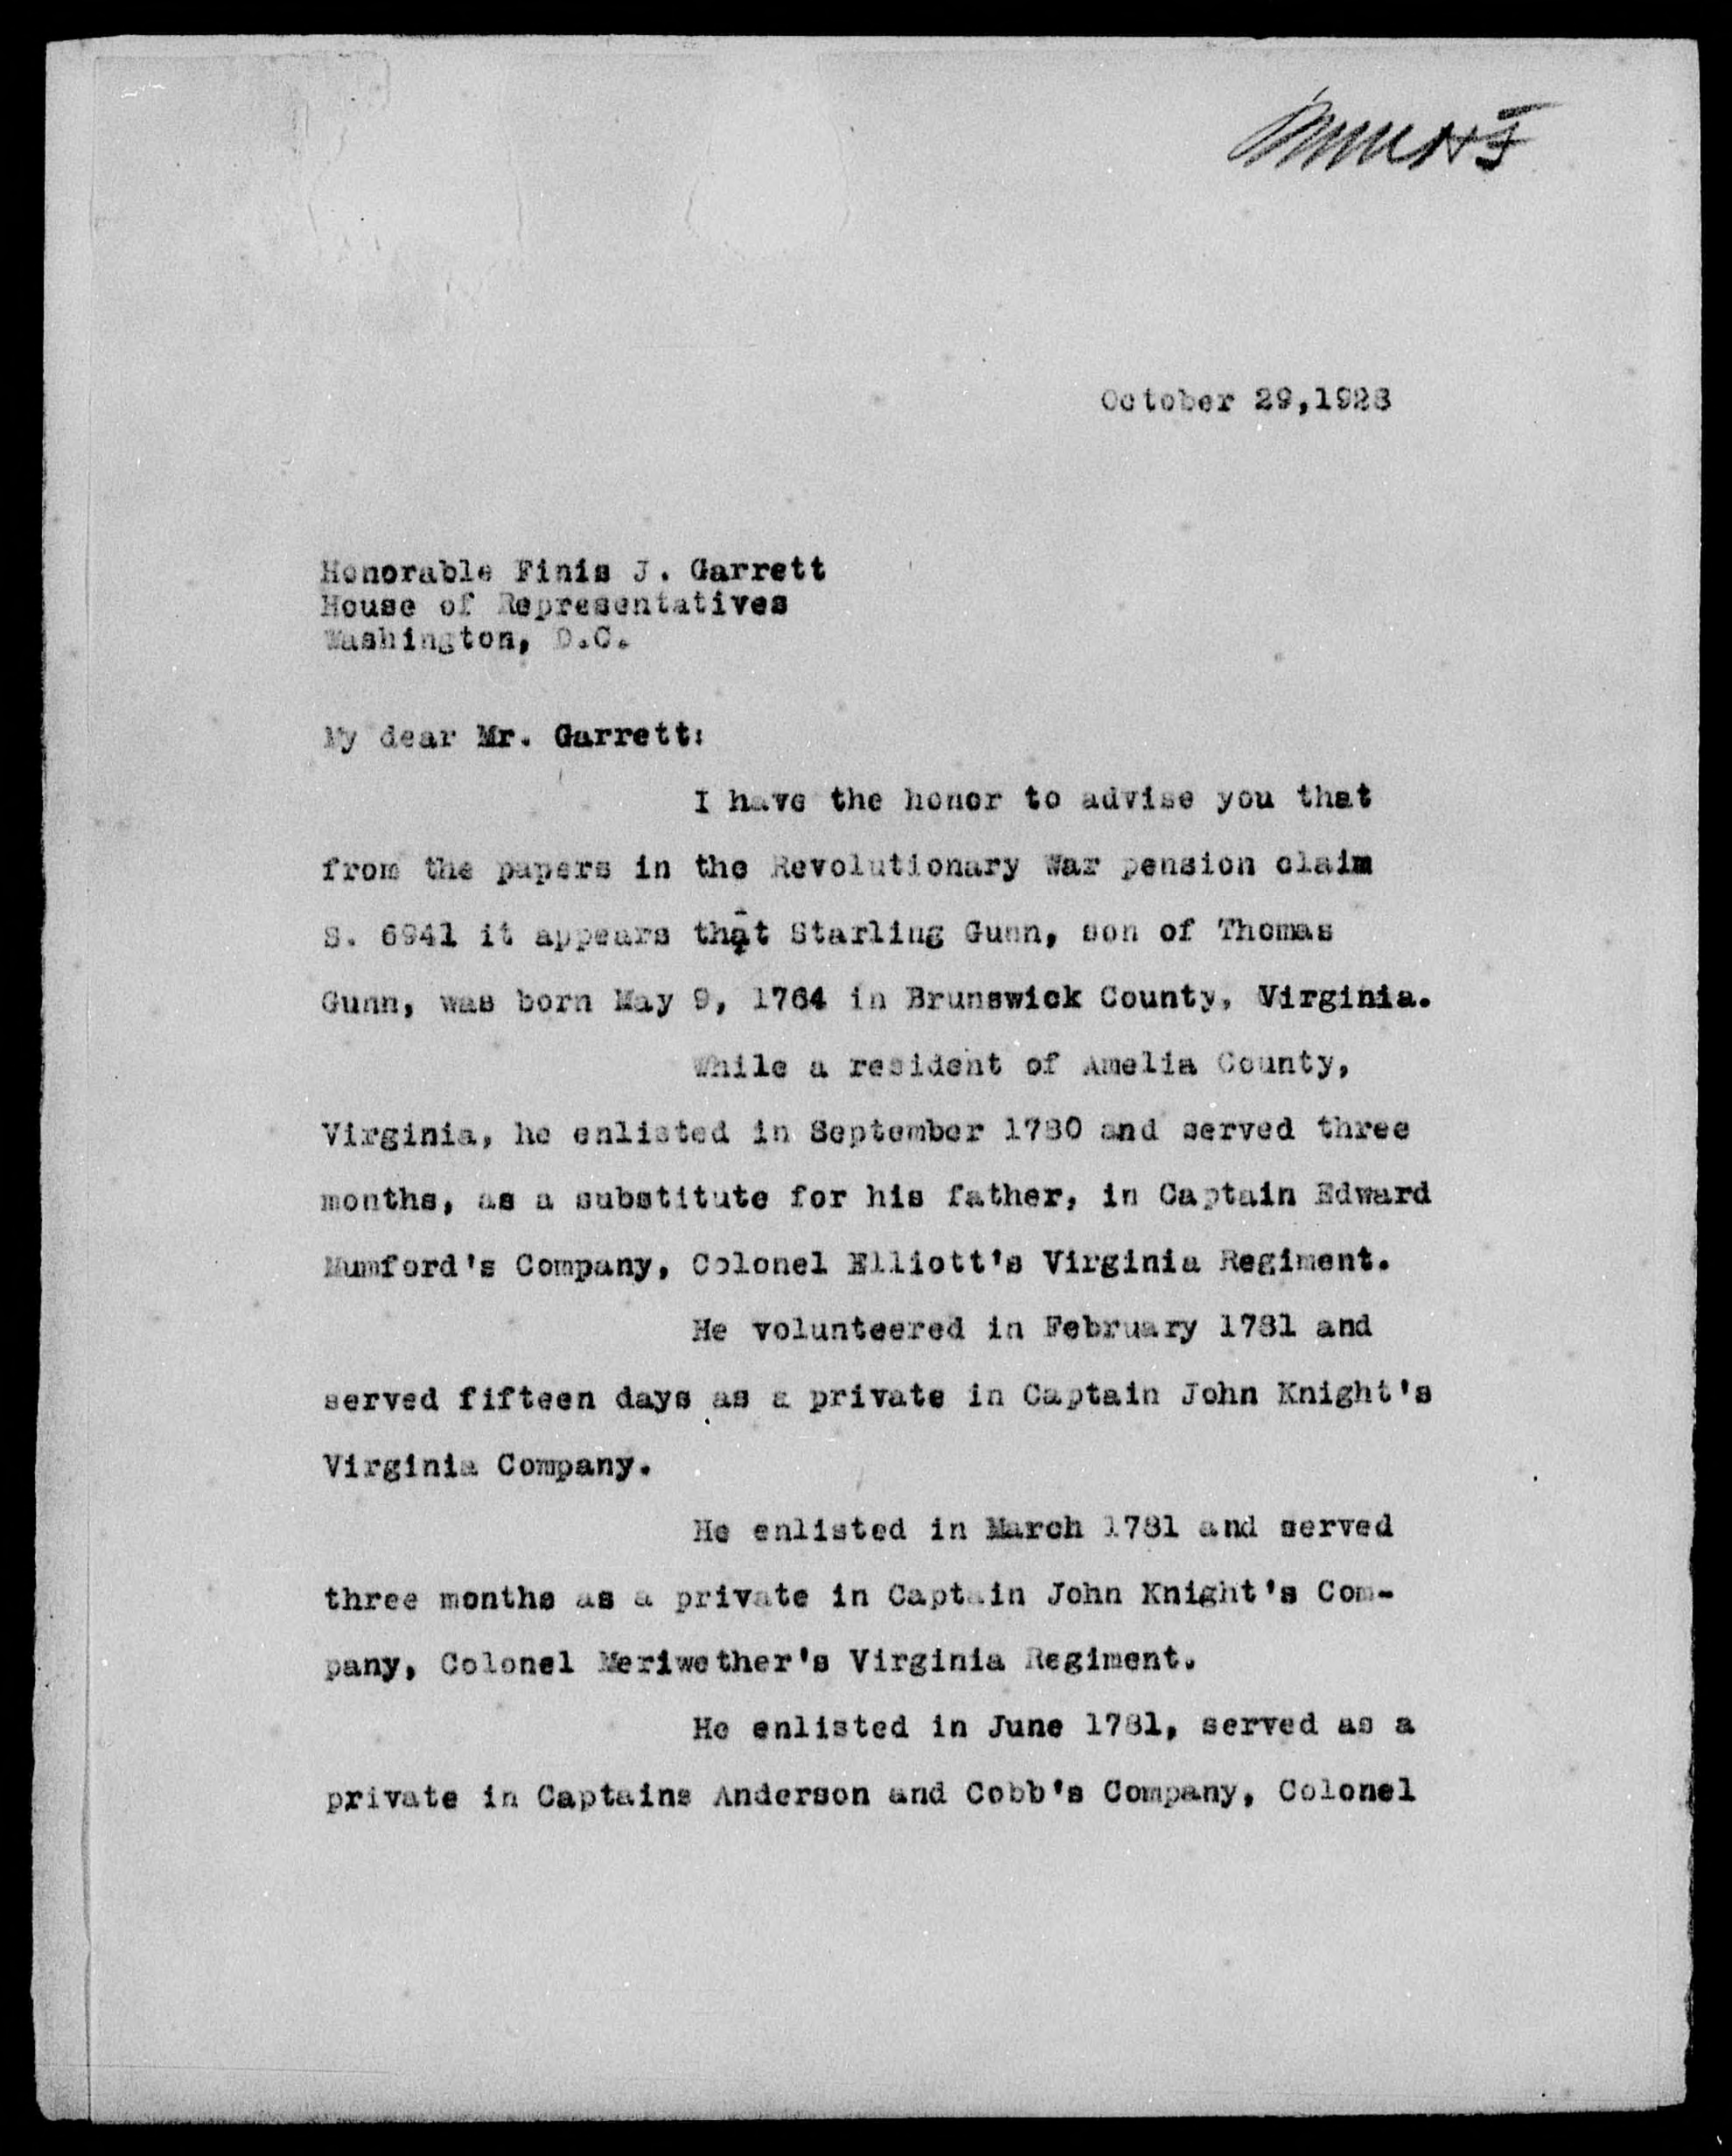MMHF
October 29, 1928 
Honorable Finis J. Garrett 
House of Representatives 
Washington, D.C. 
My dear Mr. Garrett. I have the honor to advise you that from the papers in the Revolutionary War pension claim S. 6841 it appears that Starling Gunn, son of Thomas Gunn, was born May 9, 1764 in Brunswick County, Virginia.
While a resident of Amelia County, Virginia, he enlisted in September 1780 and served three months, as a substitute for his father, in Captain Edward Mumford's Company, Colonel Elliott's Virginia Regiment. 
He volunteered in February 1781 and served fifteen days as a private in Captain John Knight's Virginia Company. 
He enlisted in March 1781 and served three months as a private in Captain John Knight's Company, Colonel Meriwether's Virginia Regiment. 
He enlisted in June 1781, served as a private in Captains Anderson and Cobb's Company, Colonel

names: Anderson, Finis J Garrett, Starling Gunn, Garrett, Thomas Gunn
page: 27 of 58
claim: survivor's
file: S. 6,941, Starling Gunn, Continental Va.